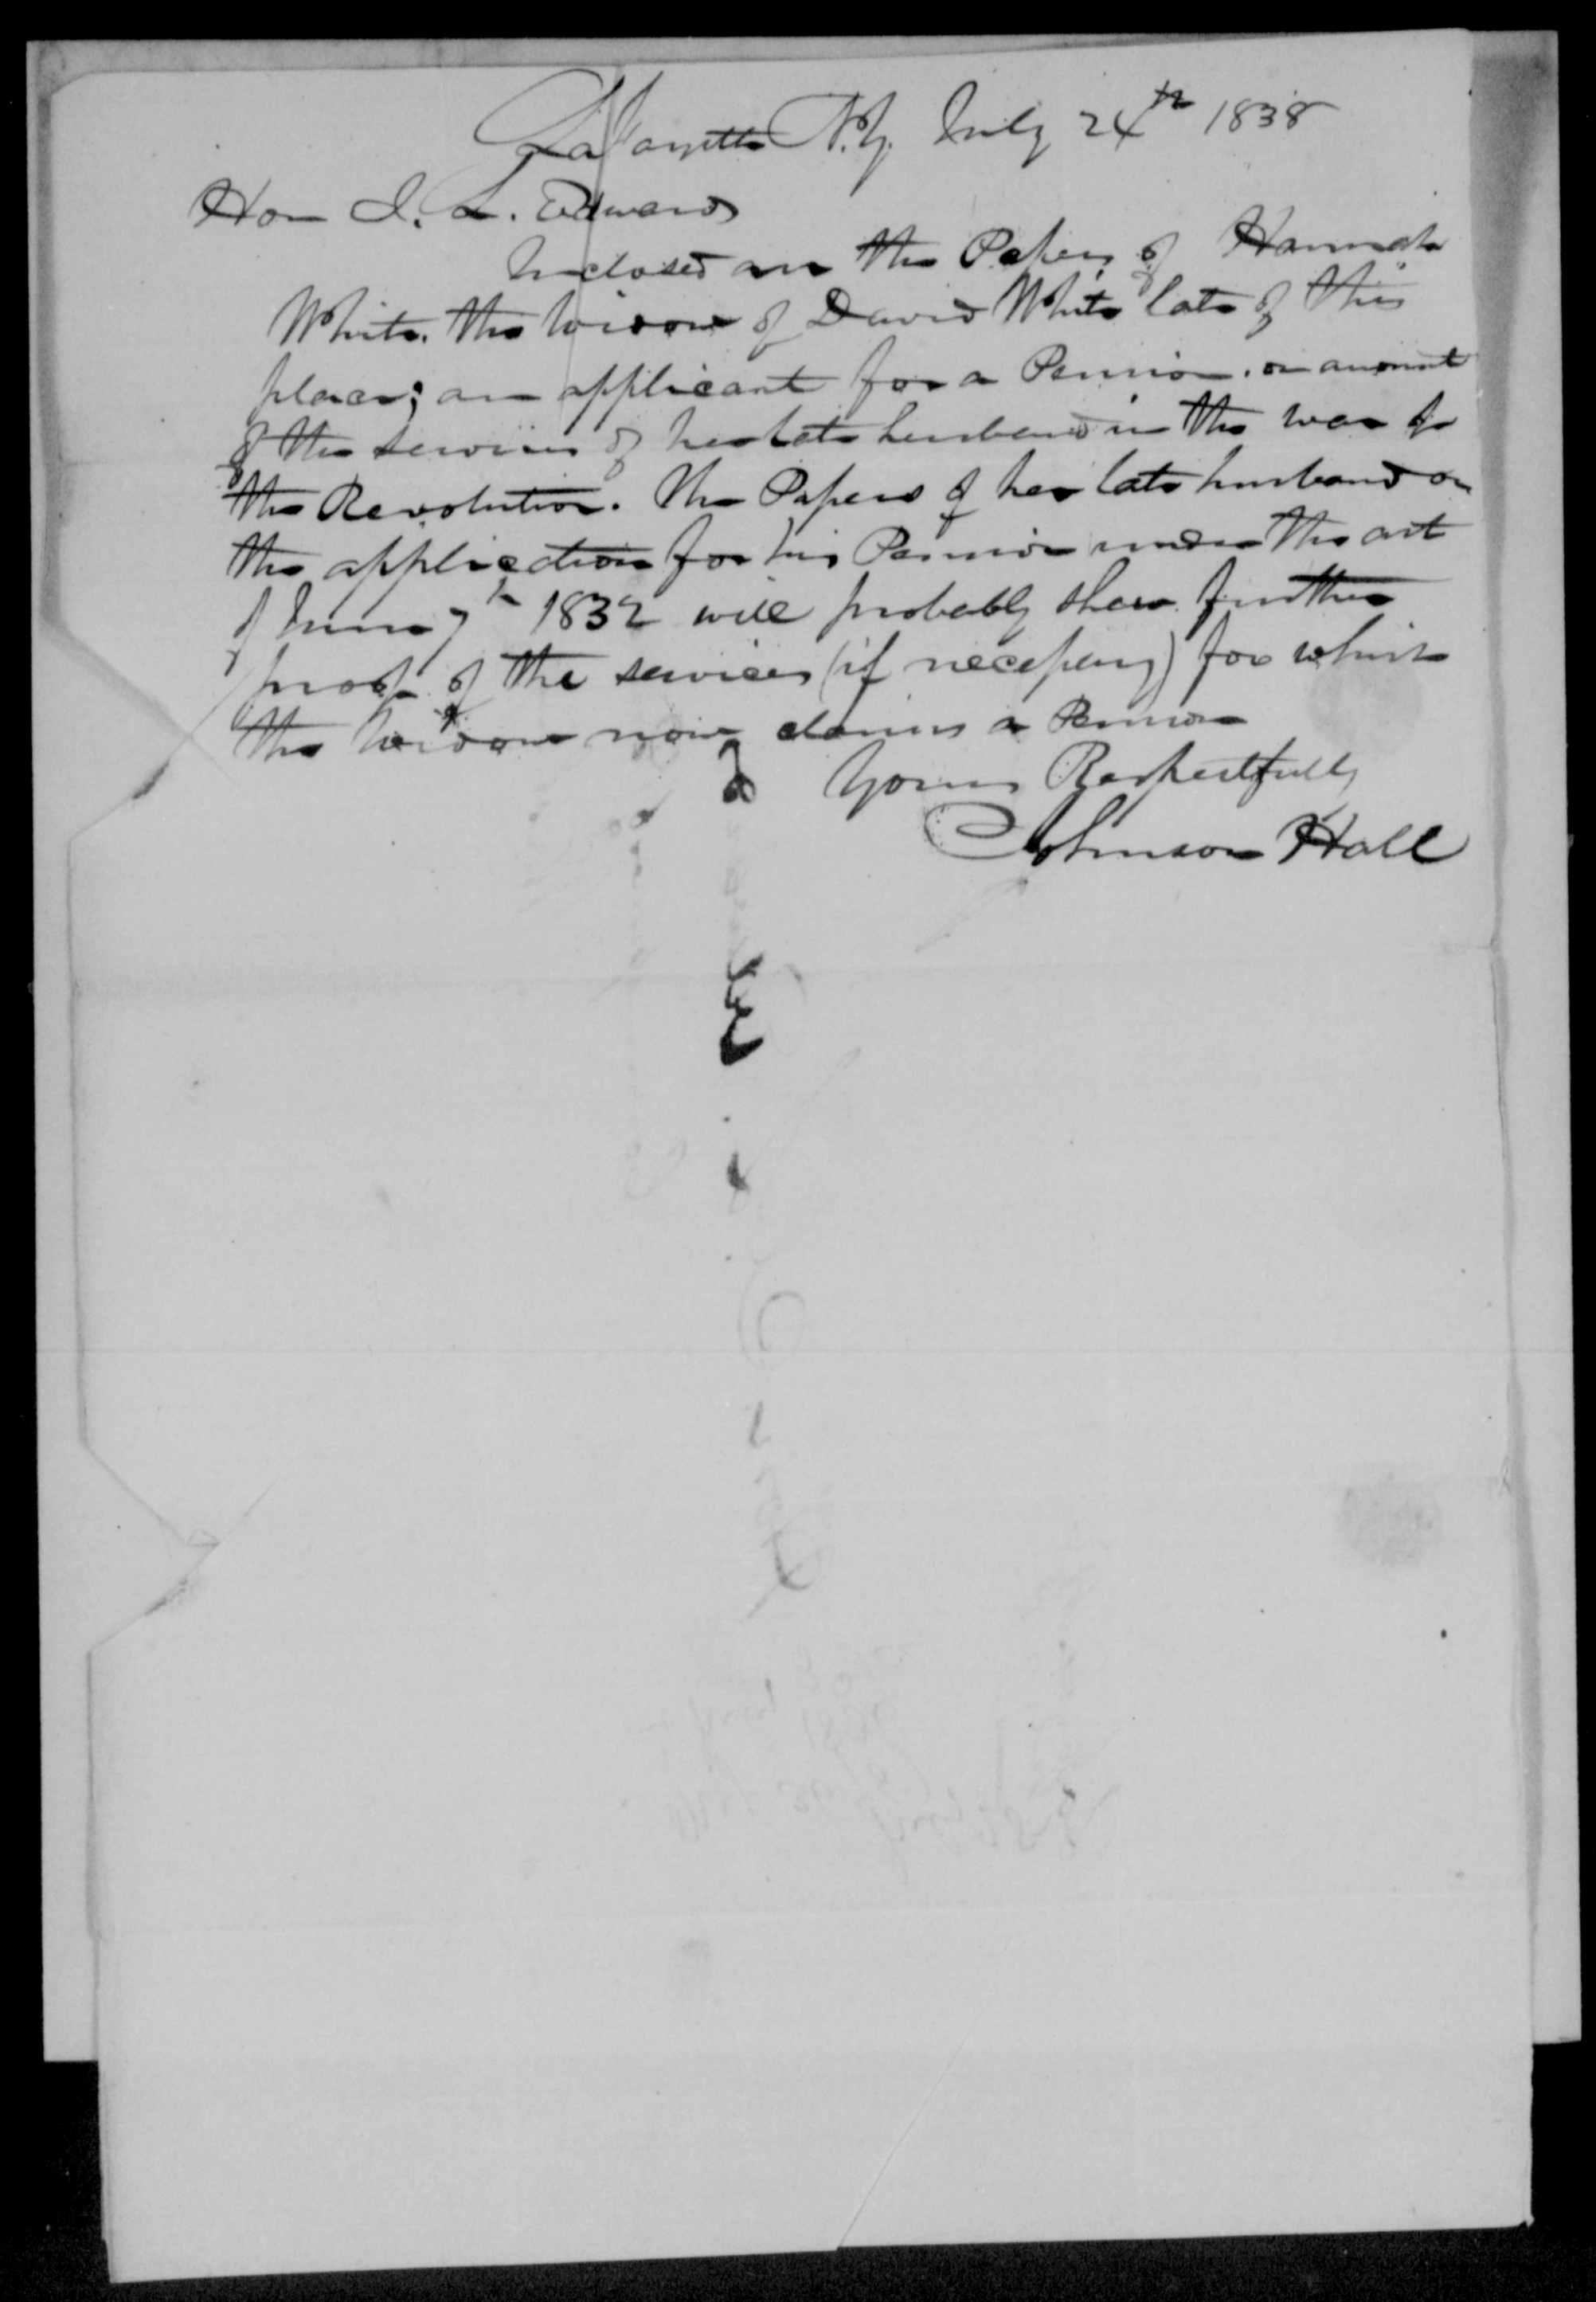Lafayette N.Y. July 24th 1838

Hon. J.L. Edwards

Enclosed are the papers of Hannah White, the widow of David White late of this place; an applicant for a Pension or amount of the service of her late husband in the war of the Revolution. The papers of her late husband on this application for his Pension under the act of June 7th 1832 will probably shew further proof of the services (if necessary) for which the widow now claims a Pension.

Yours Respectfully

Johnson Hall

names: J L Edwards, Hannah White, David White, Johnson Hall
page: 58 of 63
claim: widow's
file: W. 18403, David White, Conn.